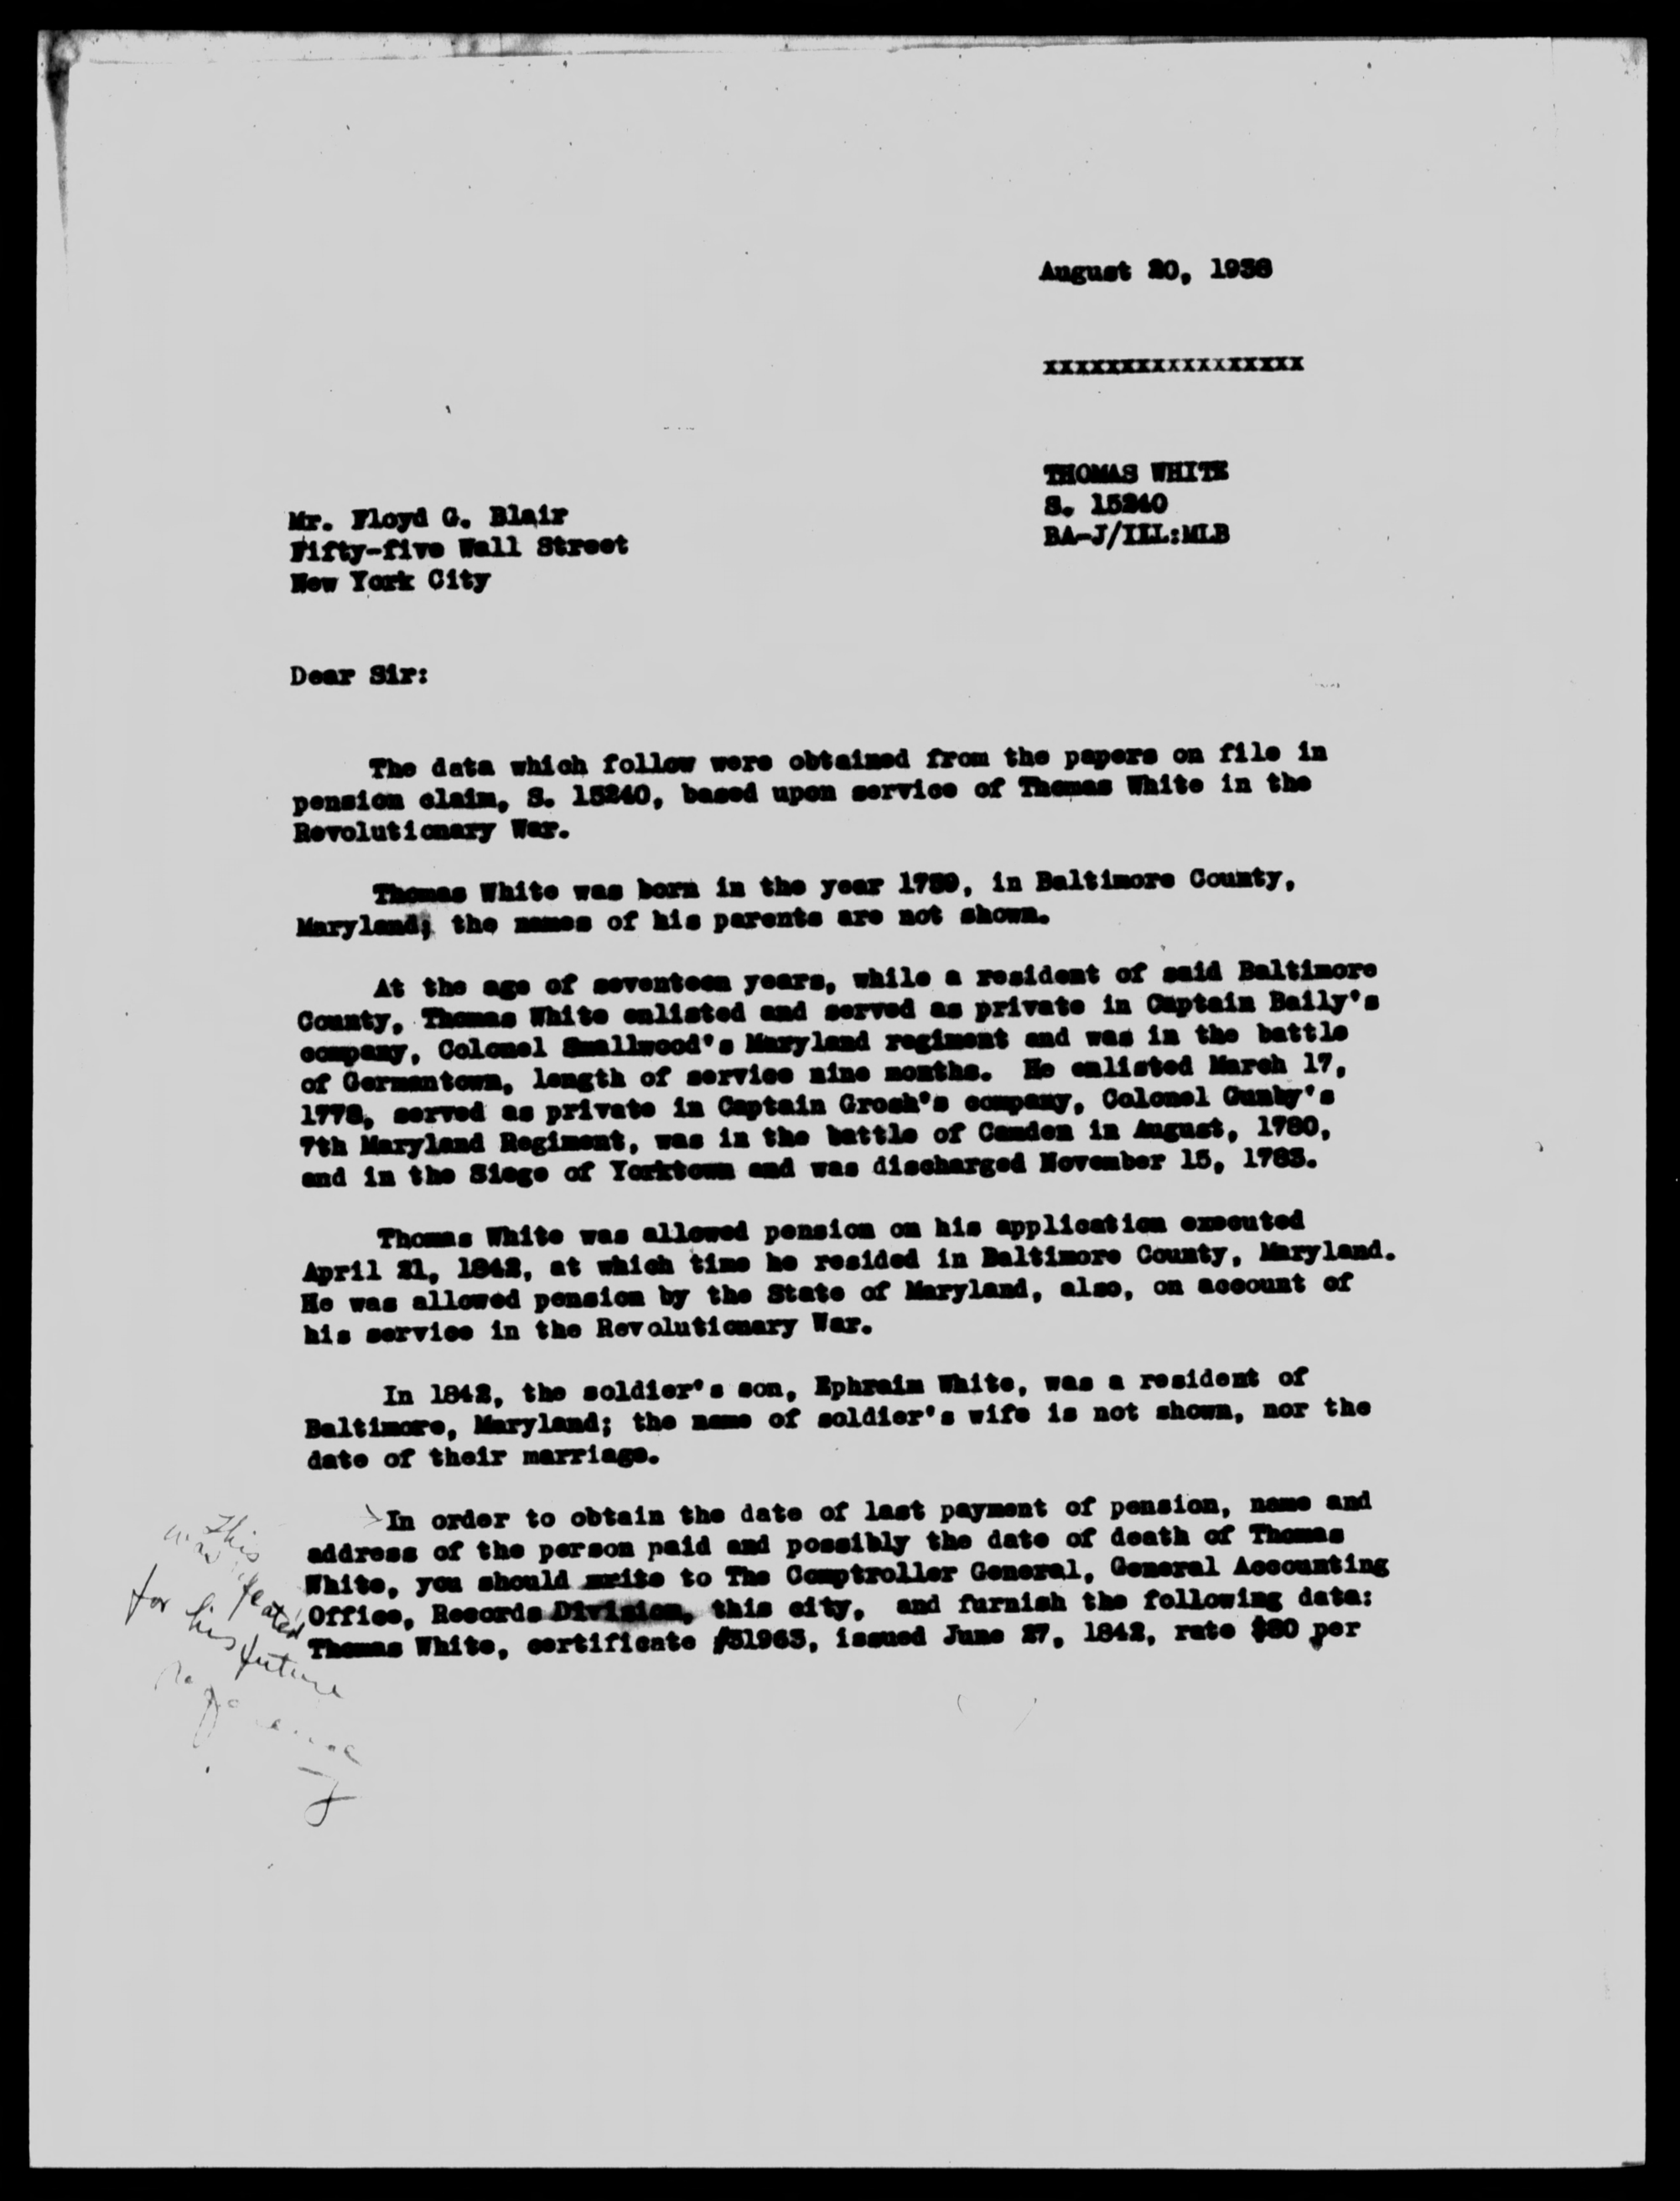August 20, 1938

xxxxxxxxxxxxxxxx

Mr. Floyd G. Blair | THOMAS WHITE 
Fifty-five Wall Street | S. 15240
New York City | BA-J/ILL:MLB

Dear Sir:

The data which follow were obtained from the papers on file in 
pension claim, S. 15240, based upon service of Thomas White in the 
Revolutionary War.

Thomas White was born in the year 1759, in Baltimore County, 
Maryland; the names of his parents are not shown.

At the age of seventeen years, while a resident of said Baltimore 
County, Thomas White enlisted and served as private in Captain Baily's 
company, Colonel Smallwood's Maryland regiment and was in the battle 
of Germantown, length of service nine months.  He enlisted March 17, 
1778, served as private in Captain Gresh's company, Colonel Gunby's 
7th Maryland Regiment, was in the battle of Camden in August, 1780, 
and in the Siege of Yorktown and was discharged November 15, 1783.

Thomas White was allowed pension on his application executed 
April 21, 1842, at which time he resided in Baltimore County, Maryland. 
He was allowed pension by the State of Maryland, also, on account of 
his service in the Revolutionary War.

In 1842, the soldier's son, Ephraim White, was a resident of 
Baltimore, Maryland; the name of soldier's wife is not shown, nor the 
date of their marriage.

In order to obtain the date of last payment of pension, name and 
address of the person paid and possibly the date of death of Thomas 
White, you should write to The Comptroller General, General Accounting 
Office, Records Division, this city, and furnish the following data:
Thomas White, certificate #31963, issued June 27, 1842, rate $80 per 

[Note regarding the above paragraph] This was repeated for his future 
reference. J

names: Thomas White, Floyd G Blair, Ephraim White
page: 28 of 43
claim: survivor's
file: S. 15240, Thomas White, Md.